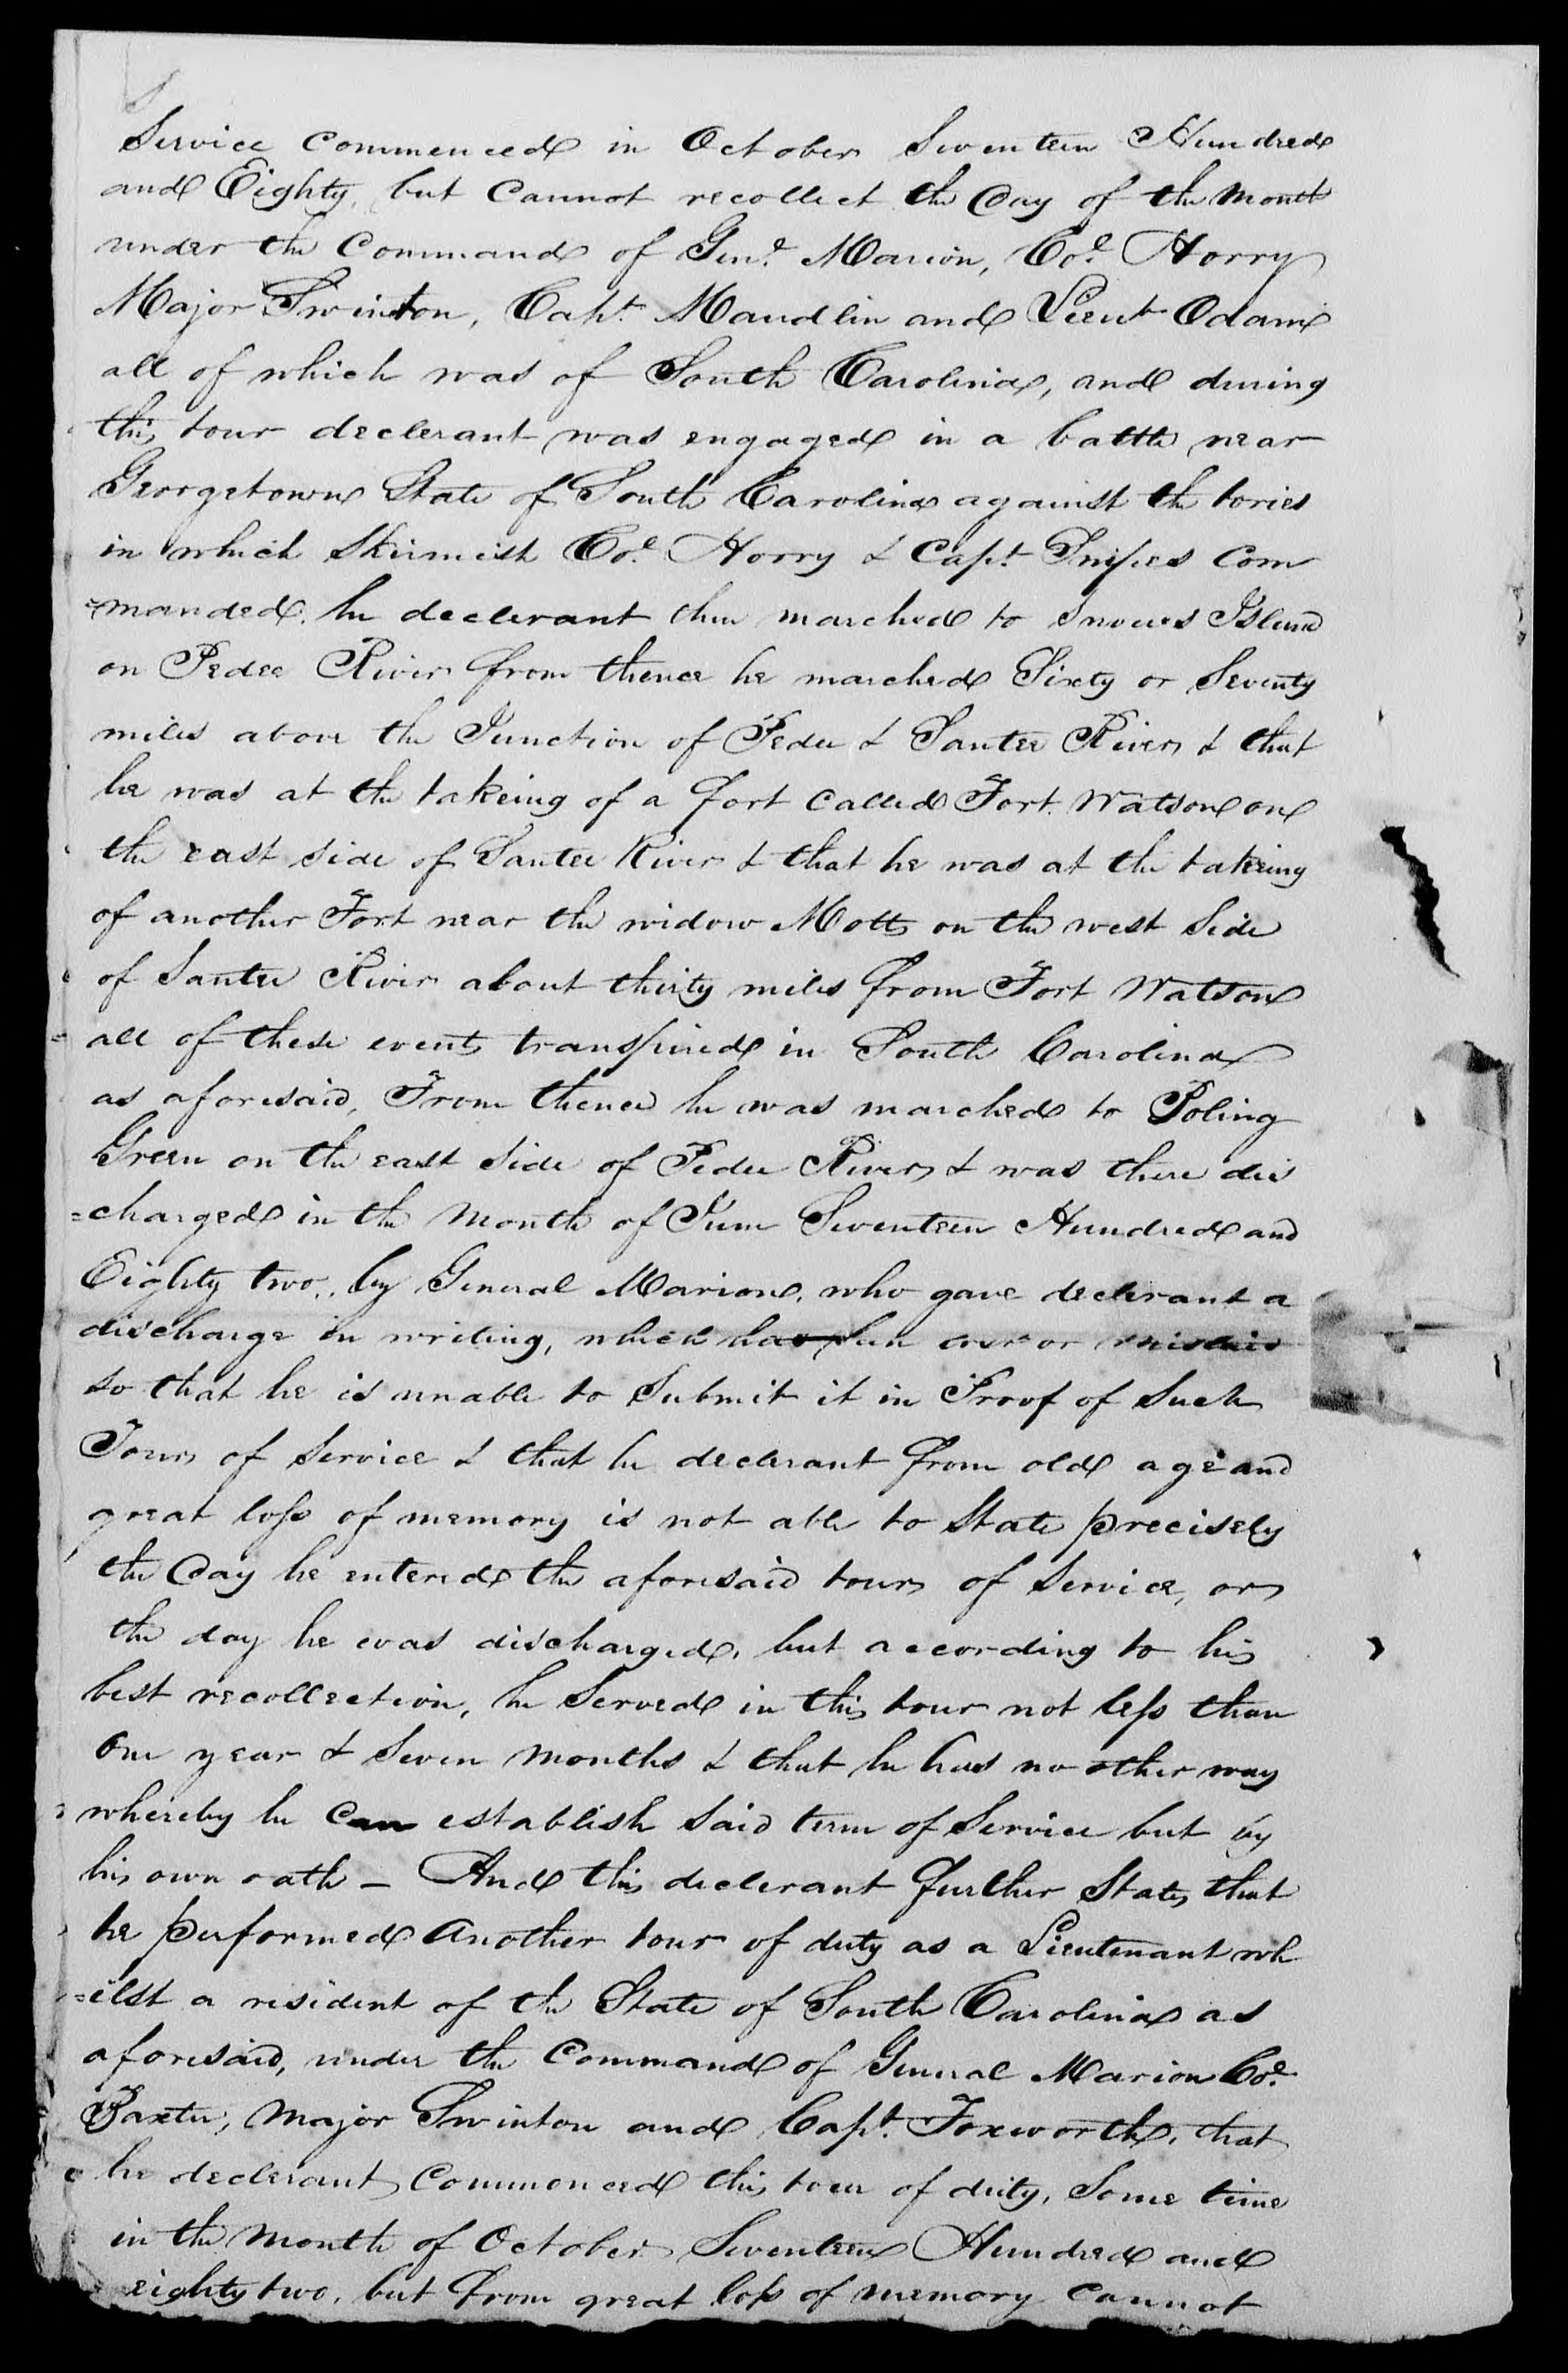Service commenced in October Seventeen Hundred and Eighty, but cannot recollect the day of the month under the command of Genl. Marion, Col. Horry Major Swinton, Capt. Mandlin and Lieut. Odam all of which was of South Carolina, and during this tour declarant was engaged in a battle near Georgetown State of South Carolina against the tories in which skirmish Col. Horry & Capt. Snipes Commanded, he declarant then marched to Snows Island on Pedee River [Pee Dee] from thence he marched Sixty or Seventy miles above the above in Junction of Pedee [Pee Dee] & Santee Rivers & that he was at the taking of a fort called Fort Watson on the east side of Santee River & that he was at the taking of another Fort near the widow Motts on the west side of Santee River about thirty miles from Fort Watson all of these events transpired in South Carolina as aforesaid. From thence he was marched to Poling Green on the East side of Pedee River [Pee Dee] & was there discharged in the month of June Seventeen Hundred and Eighty two, by General Marion who gave declarant a discharge in writing, which has such as been lost or mislaid so that he is unable to submit it in Proof of such Tour of service & that he declarant from old age and great loss of memory is not able to State precisely the day he entered the aforesaid tour of service, or the day he was discharged, but according to his best recollection, he served in this hour not less than one year & seven months & that he has no other way whereby he can establish said term of service but by his own oath. And this declarant further States that he performed another tour of duty as a Lieutenant whilst a resident of the State of South Carolina as aforesaid, under the command of Genral Marion Col. Baxter, Major Swinton and Capt. Foxworth, that he declarant commenced this tour of duty, some time in the month of October Seventeen Hundred and eighty two, but from great loss of memory cannot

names: Foxworth, Motts, Mandlin, Odam, Horry, Swinton, Horry, Baxter, Swinton, Marion, Marion, Snipes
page: 7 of 23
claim: rejected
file: R. 1465, Peter Buckholts, S.C.